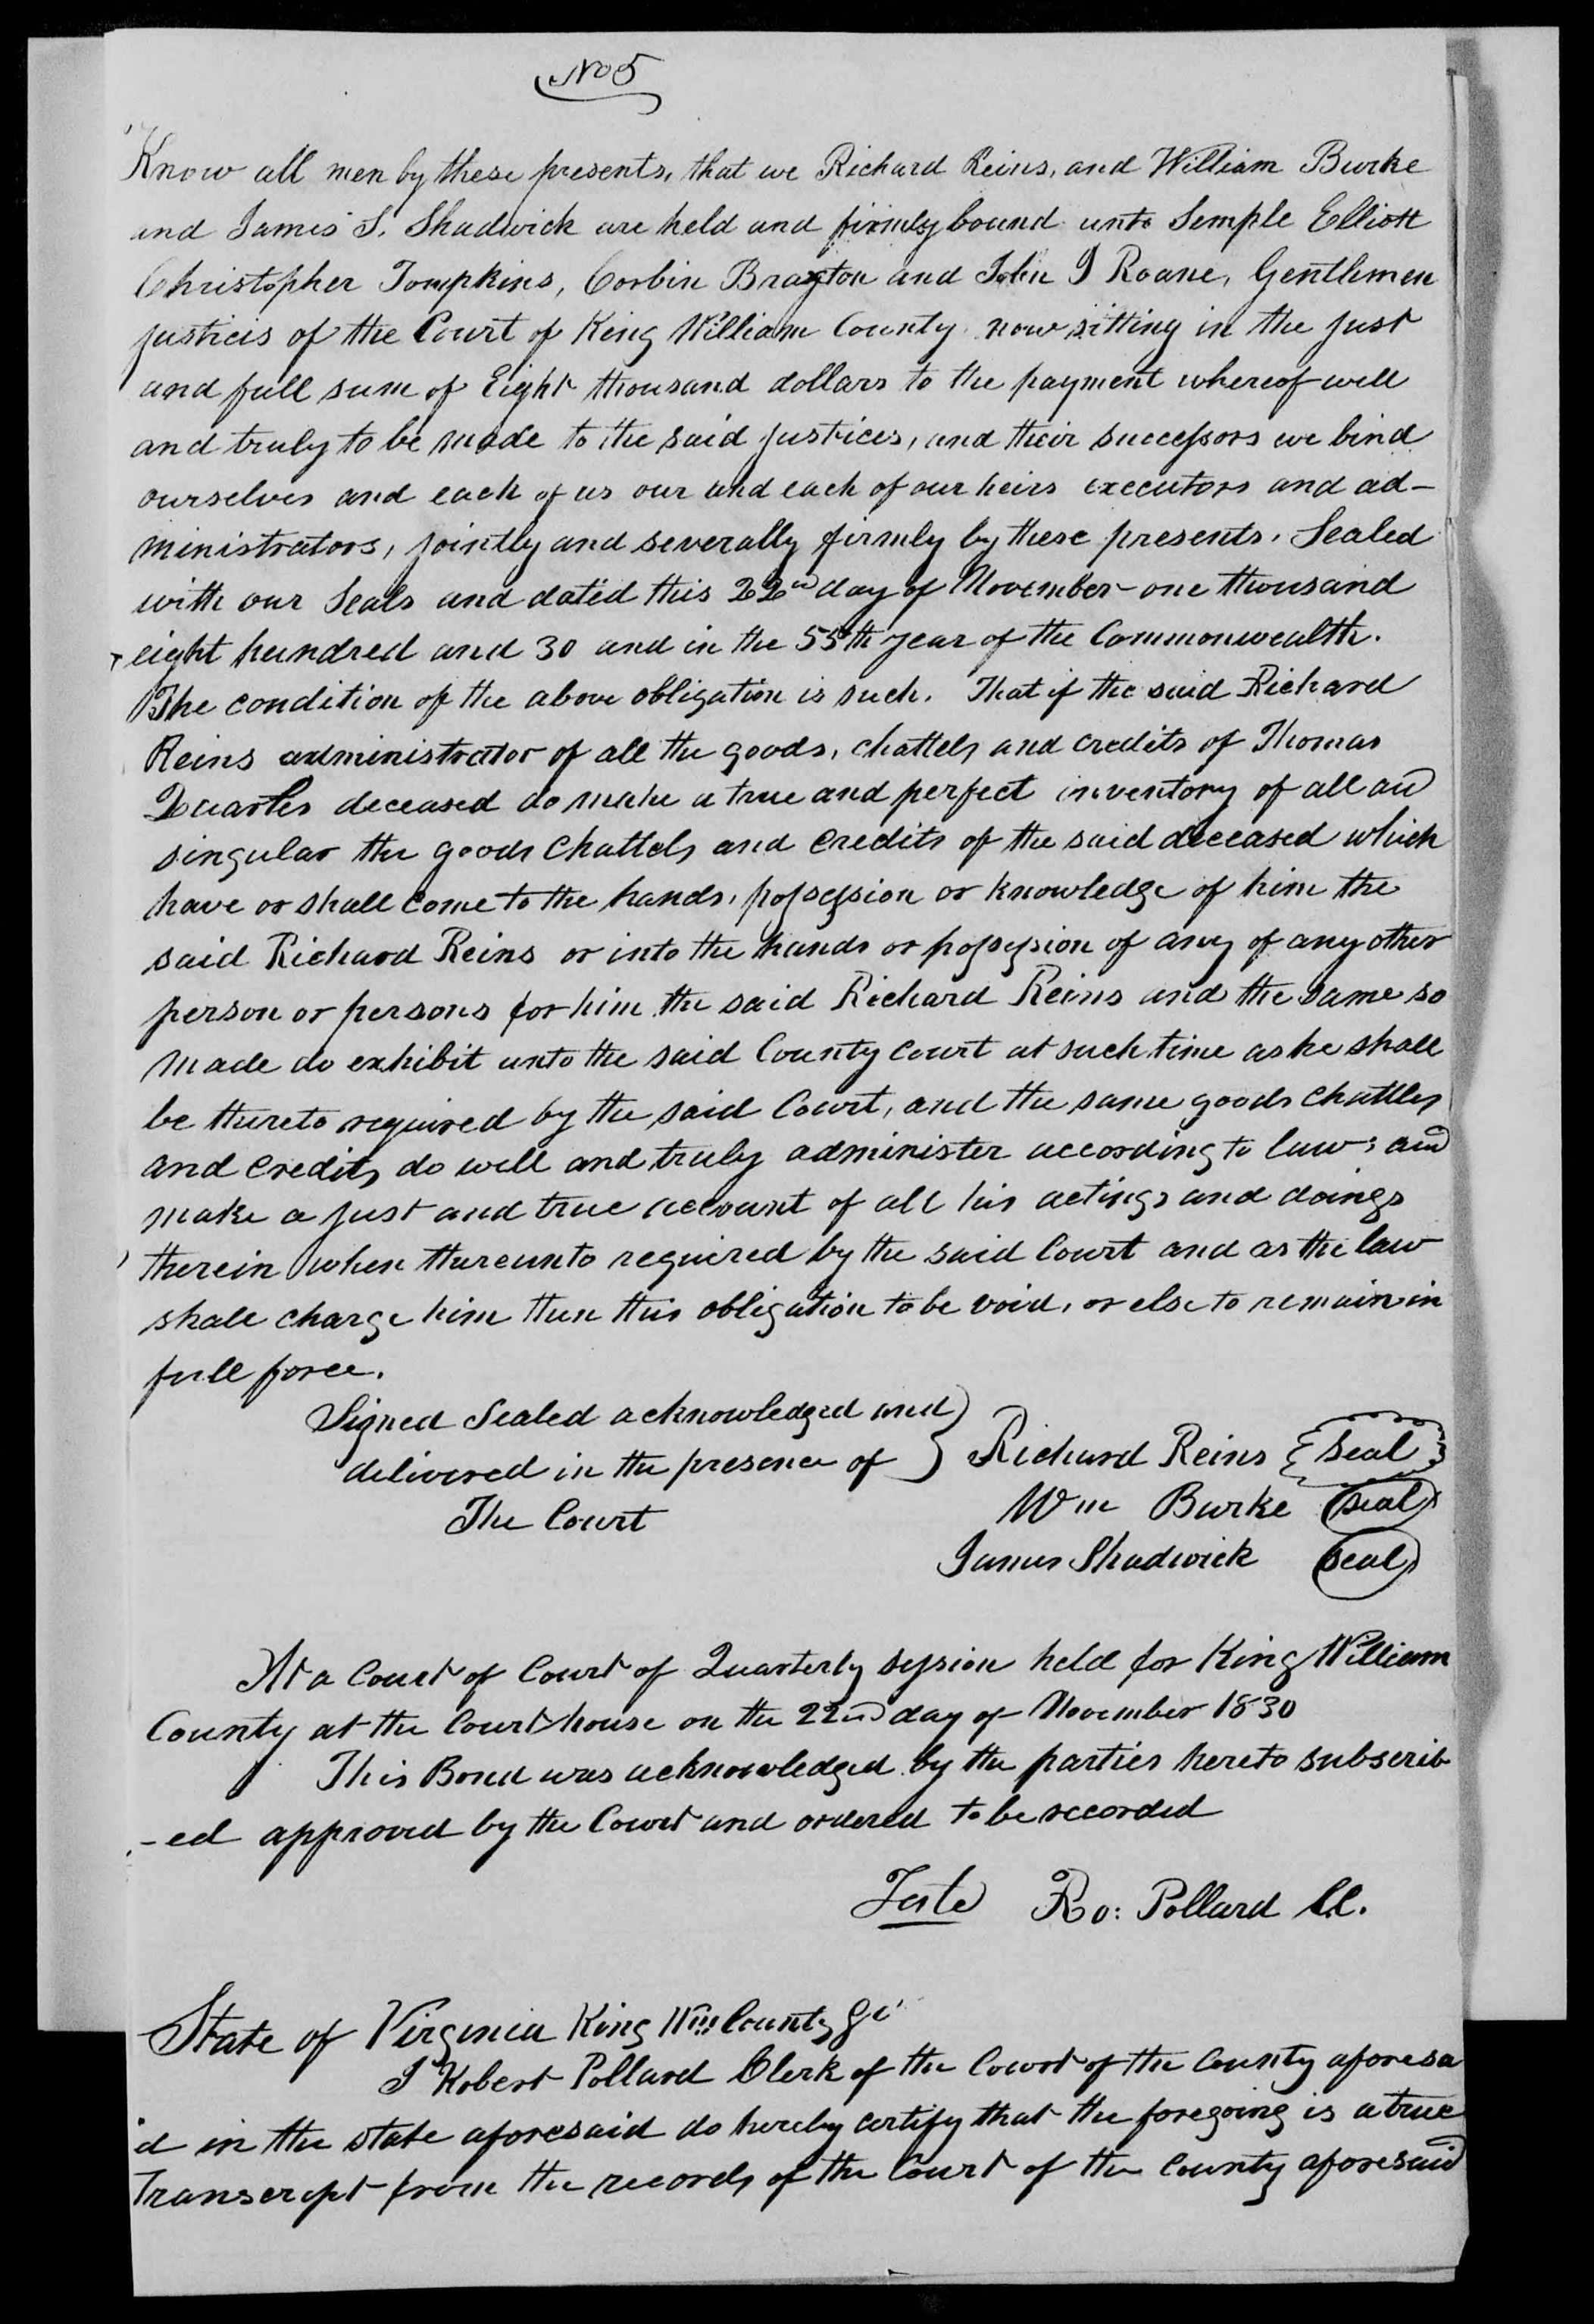No 5
Know all men by these presents, that we Richard Reins and William Burke and James S. Shadwick are held and firmly bound unto Semple Elliott Christopher Tompkims, Corbin Braxton and John J. Roane, gentlemen justices of the court of King William County now sitting in the just and full sum of eight thousand dollars to the payment whereof well and truly to be made to the said justices, and their successors we bind ourselves and each of us and each of our heirs executors and administrators, jointly and severally firmly by these presents. Sealed with our seals and dated this 22nd day of November - one thousand eight hundred and 30 and in the 55th year of the Commonwealth. The condition of the above obligation is such. That if the said Richard Reins administrator of all the goods, chattel, and credits of Thomas Quarles deceased do make a true and perfect inventory of all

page: 9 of 22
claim: rejected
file: R. 17251, for Thomas Quarles, Virginia